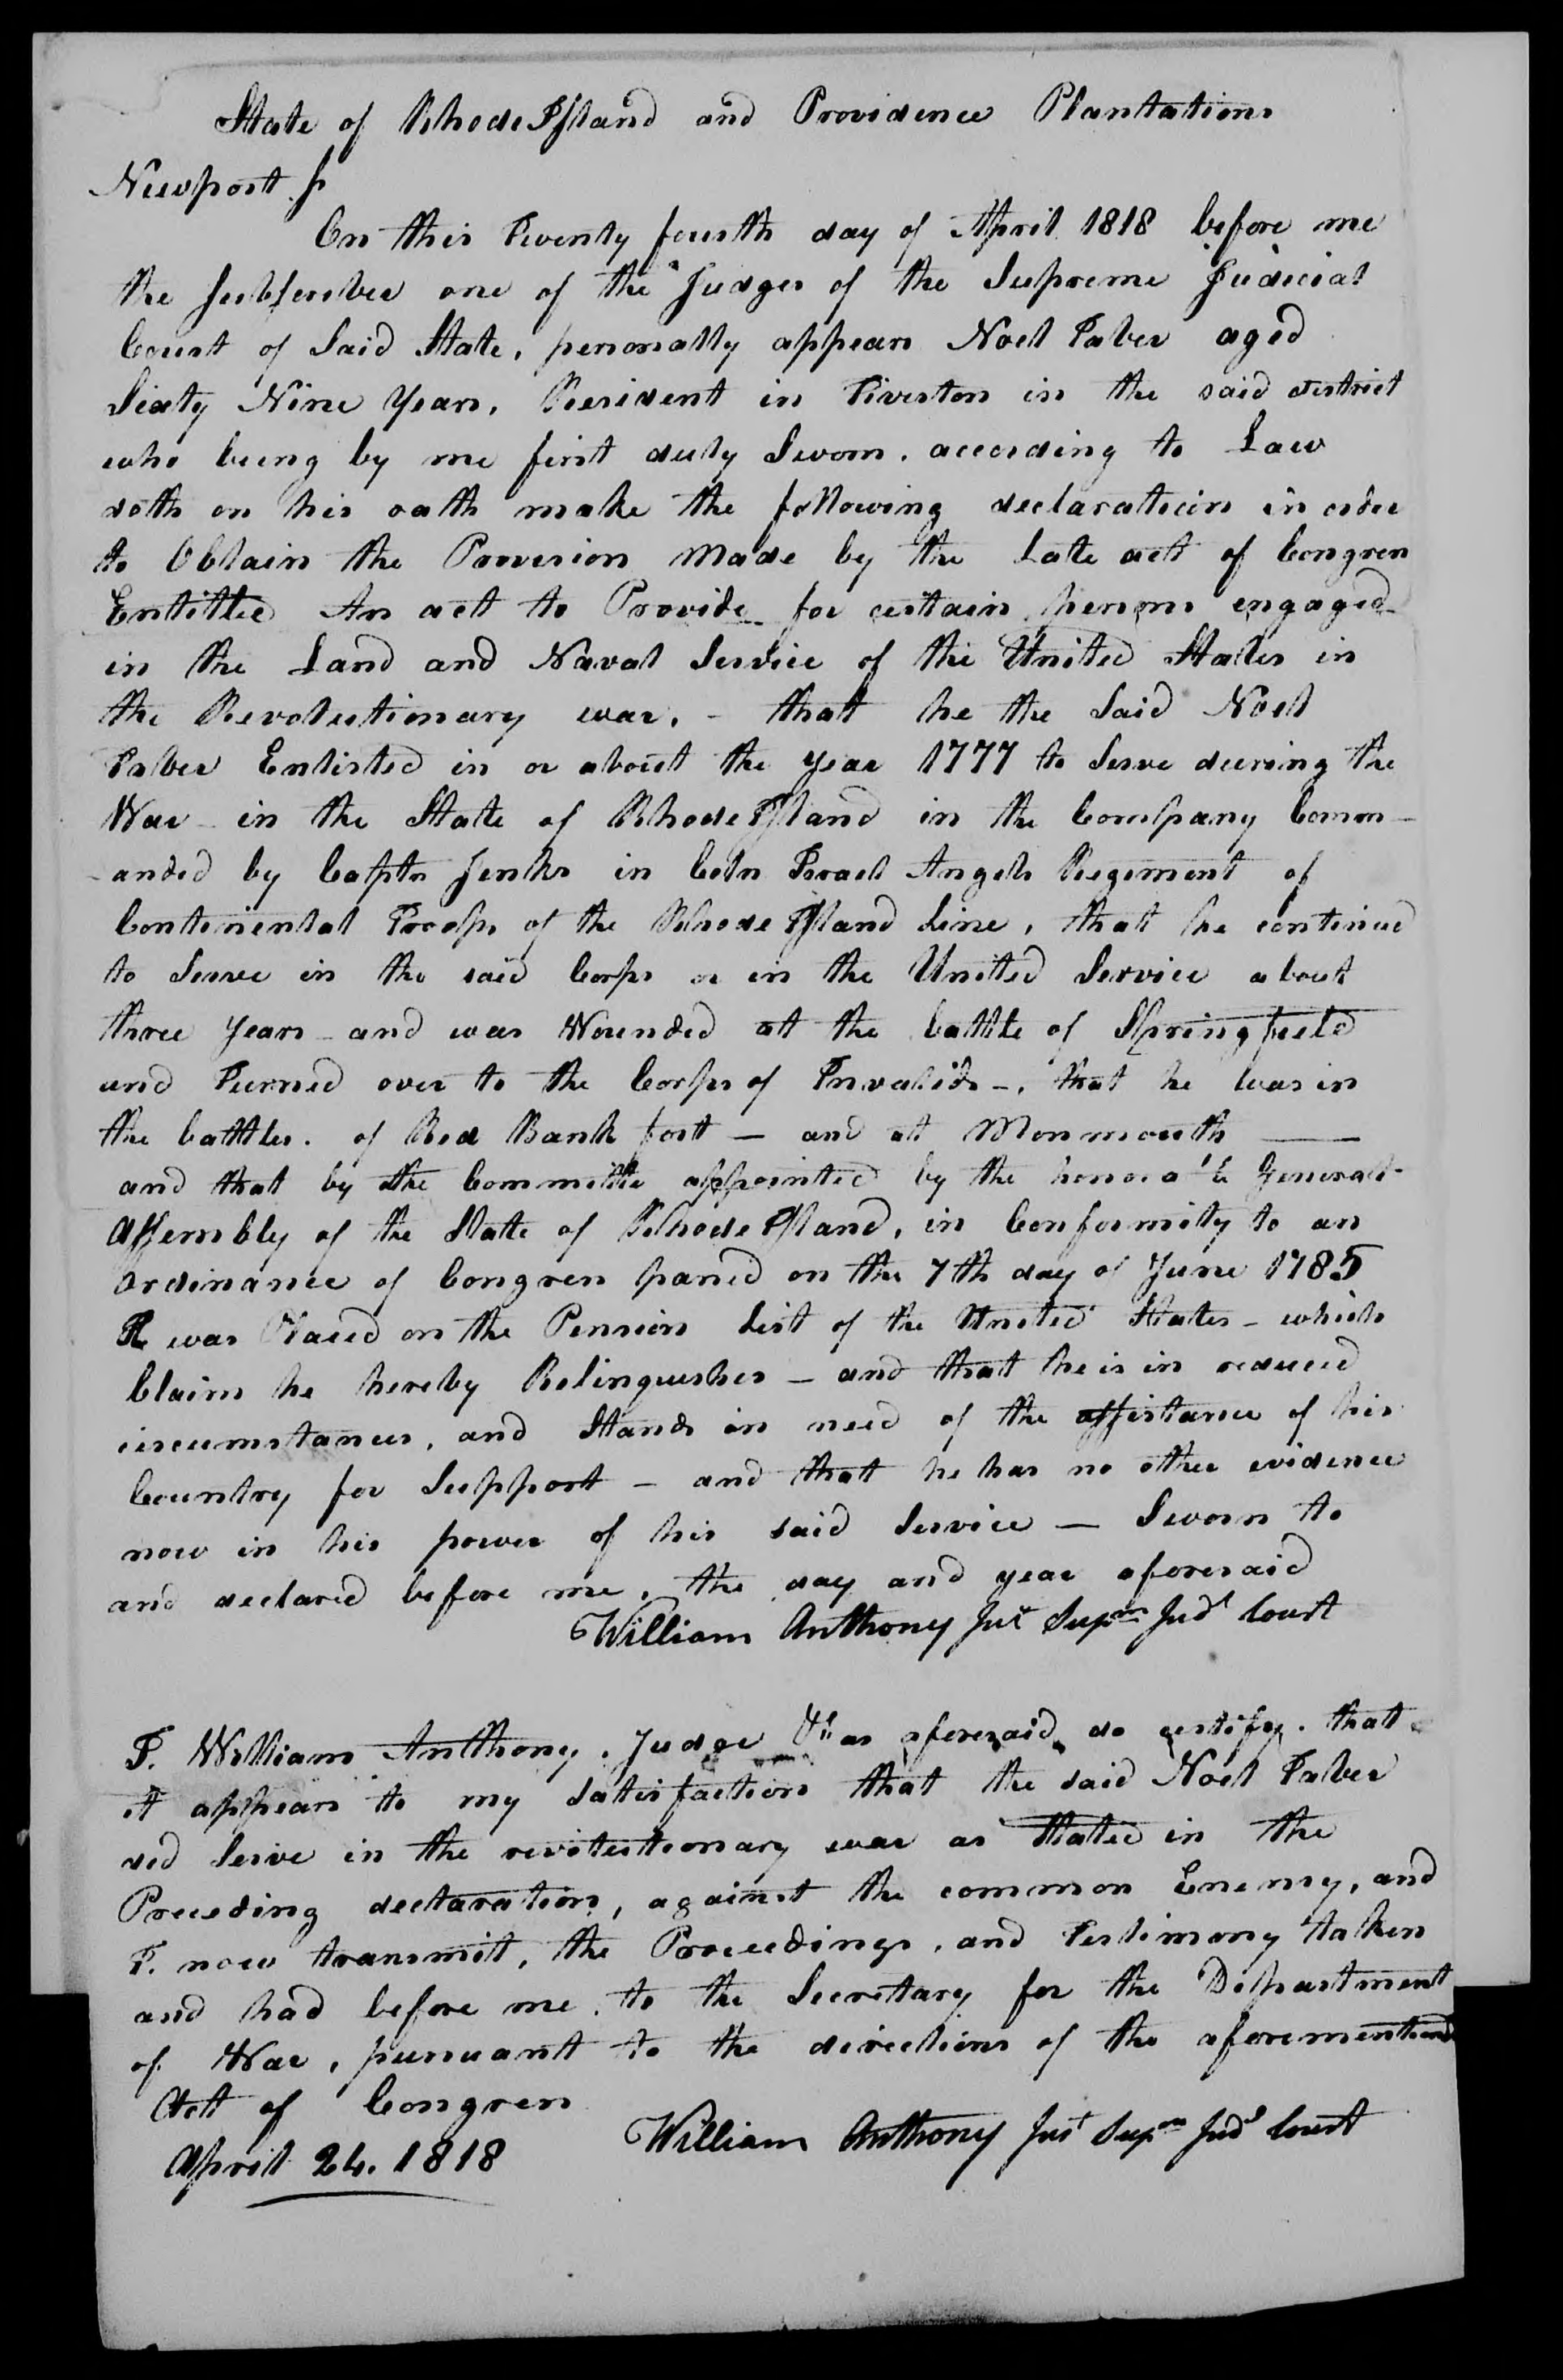State of Rhode Island and Providence Plantation
Newport 
On this twenty fourth day of April 1818 before me
the subscriber one one of the Judges of the Supreme Judicial
Court of Said State, personally appears Noel Taber aged
Sixty Nine Years, Resident in Tiverton in the said district
who being by me first duly Sworn, according to Law
doth on his oath make the following declaration in order
to obtain the Provision made by the late act of Congress
Entitled An act to Provide for certain persons engaged
in the Land and Naval Service of the United States in
the Revolutionary war that the [illegible] said Noel
Taber Enlisted in or about the year 1777 to Serve during the
War in the State Rhode Island in the Company Comm
ander by Captain Jenkins in Col [illegible] Angell Regiment of
Continental People of the Rhode Island line, that he continue
to serve in the said people or in the United Service about
three years and was wounded at the battle of Springfield
and [illegible] over to the people of Providence. That he was in
the battles of [illegible] Bradford and at Mommouth
and that by the Committee appointed by the honorable General
Assembly of the State of Rhode Island in conformity to an
ordinance of Congress [illegible] on the 7th day of June 1785
I was placed on the Pension List of the United States which
Claims we hereby relinquishes and [illegible] he is in ordered
circumstances and stand in need of the affirmation of his
Country for support and that he has no other evidence
now in his favor of his said Service Sworn to
and declared before me, this day and year aforesaid
William Anthony Jut Supeior Jud Court
I William Anthony Judge as aforesaid do certify that
to appears to my satisfaction that the said Noel Taber
did serve in the revolutionary war as stated in the
Proceedings declarations against the common [illegible] and
I now transmitt the Proceedings and testimony takers
and had before me to the Secretary for the Department
of War [illegible] to the directions of the aforementioned
Act of Congress
William Anthony Just Supeior Jud Court
April 24, 1818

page: 5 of 22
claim: survivor's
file: S 33777, for Noel Taber, Rhode Island